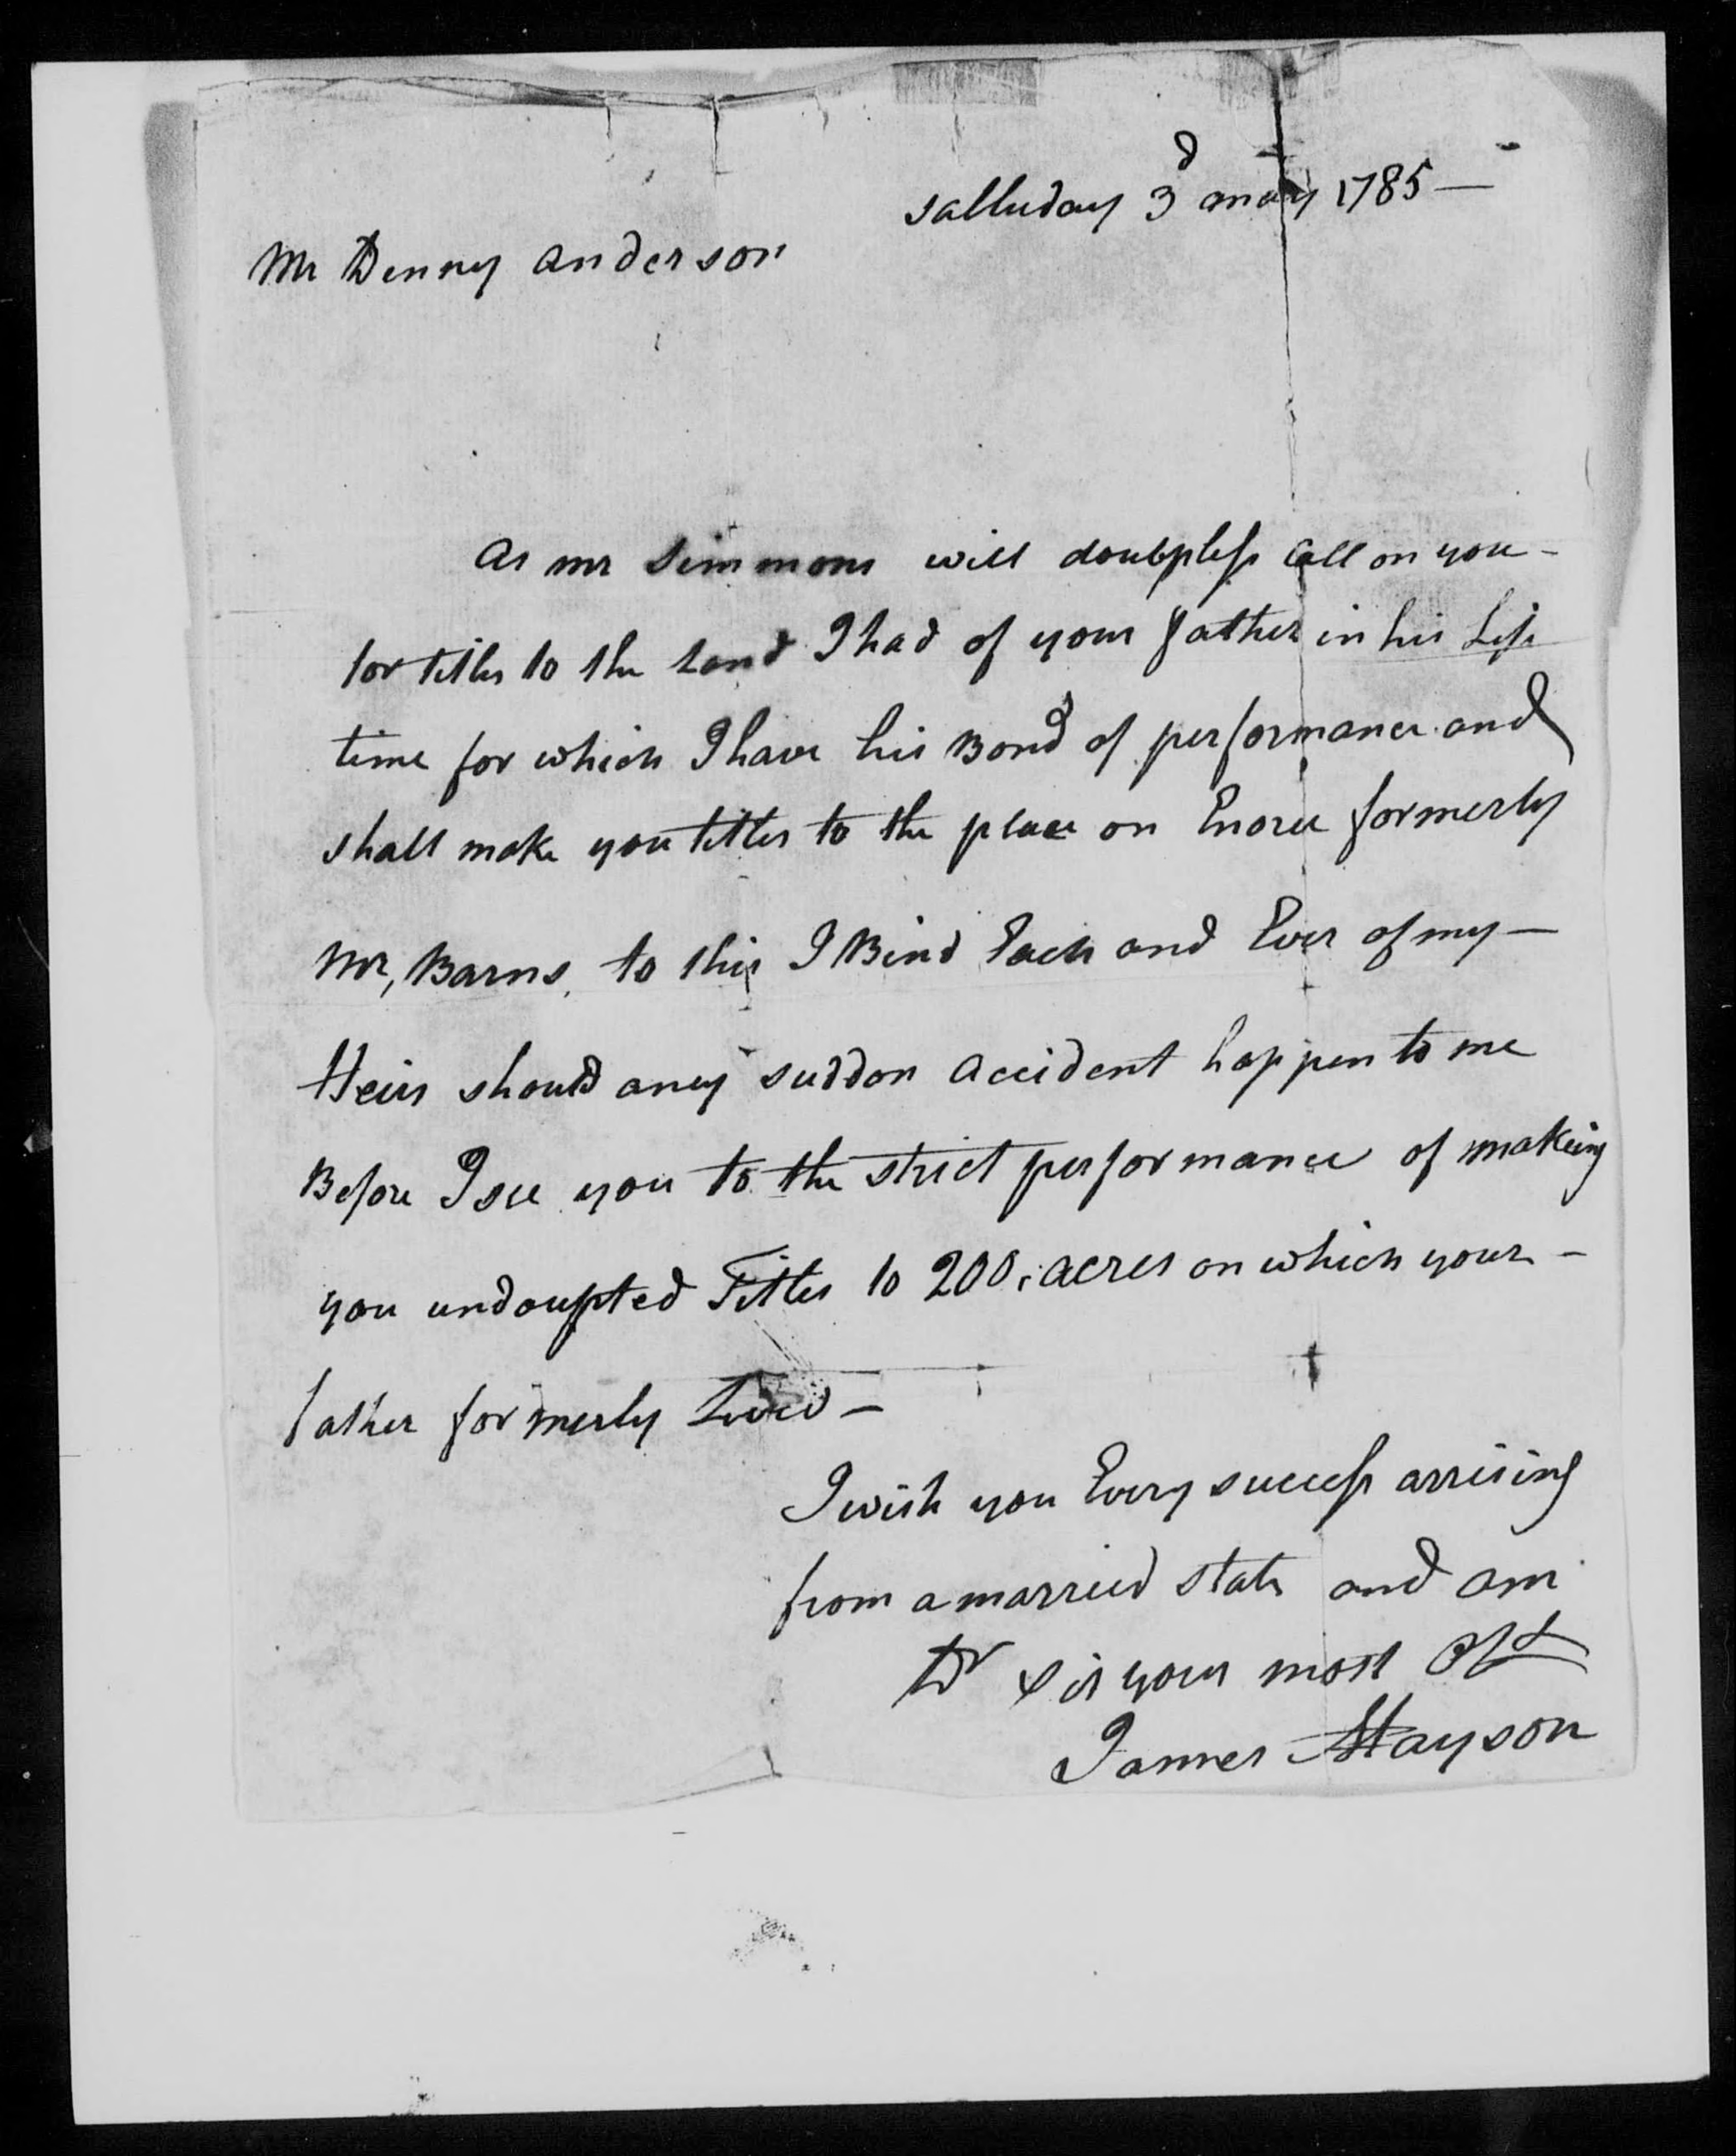Salluday 3d May 1785-
Mr Denny Anderson

As Mr Simmons will doubtless call on you for title to the land I had of your father in his life time for which I have his Bond of performance and shall make you titles to the place on Enoree formerly Mr. Barns to this I Bind each and ever of my Heirs should any sudden accident happen to me Before I see you to the strict performance of making you undoubted titles to 200 acres on which your father formerly lived.
I wish you Every success arrising from a married State and am Dr sir your most obt
James Mayson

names: Simmons, James Mayson, Barns, Jack Bind, Denny Anderson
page: 38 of 51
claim: widow's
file: W. 9700, Denney Anderson, S.C.